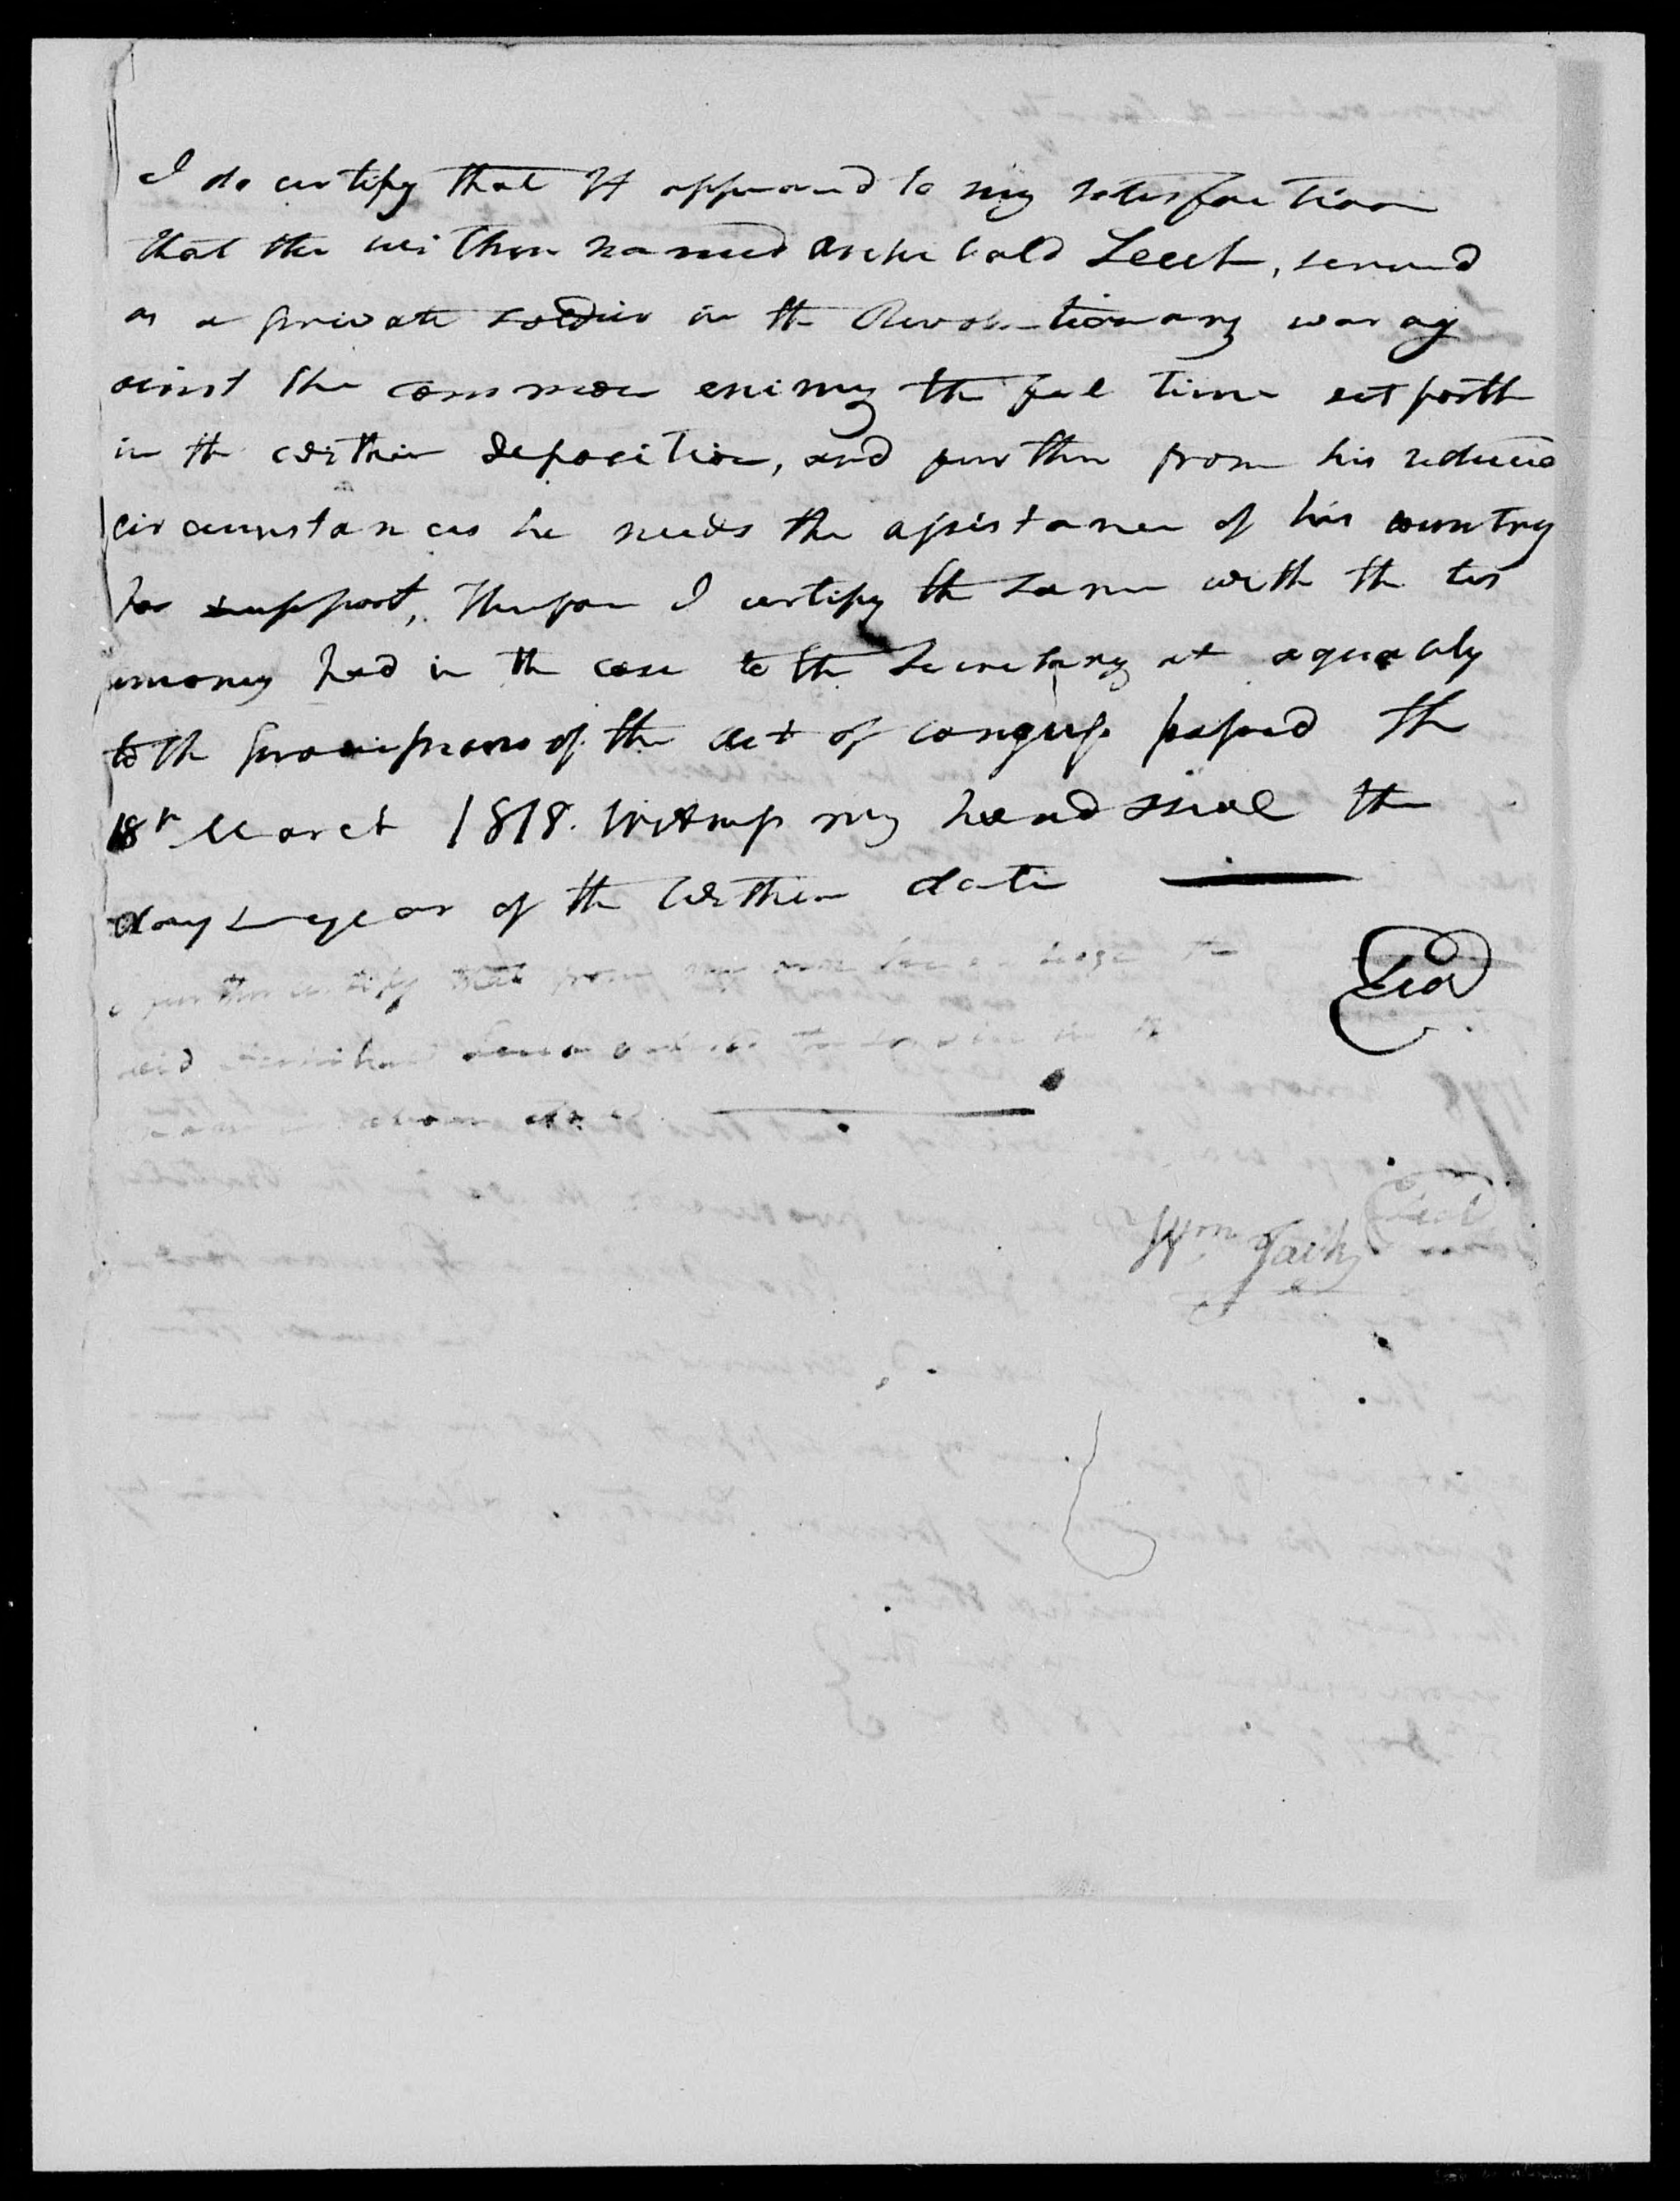I do certify that it appears to my satisfaction that the within named and Archibald Leech, served as a private soldier in the Revolutionary War against the common enemy the full time set forth in the within deposition, and further from his reduced circumstances he needs the assistance of his country for support. Therefore, I certify the same with the testimony had in the case to the Secretary it agreeably to the [illegible] Act of Congress passed the 18th March 1818. Witness my hand and seal the day and year of the within date.
Wm. Jack [Seal]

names: Wm Jack; Archibald Leech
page: 5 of 20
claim: survivor's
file: S. 40,935, for Archibald Leech, Pennsylvania